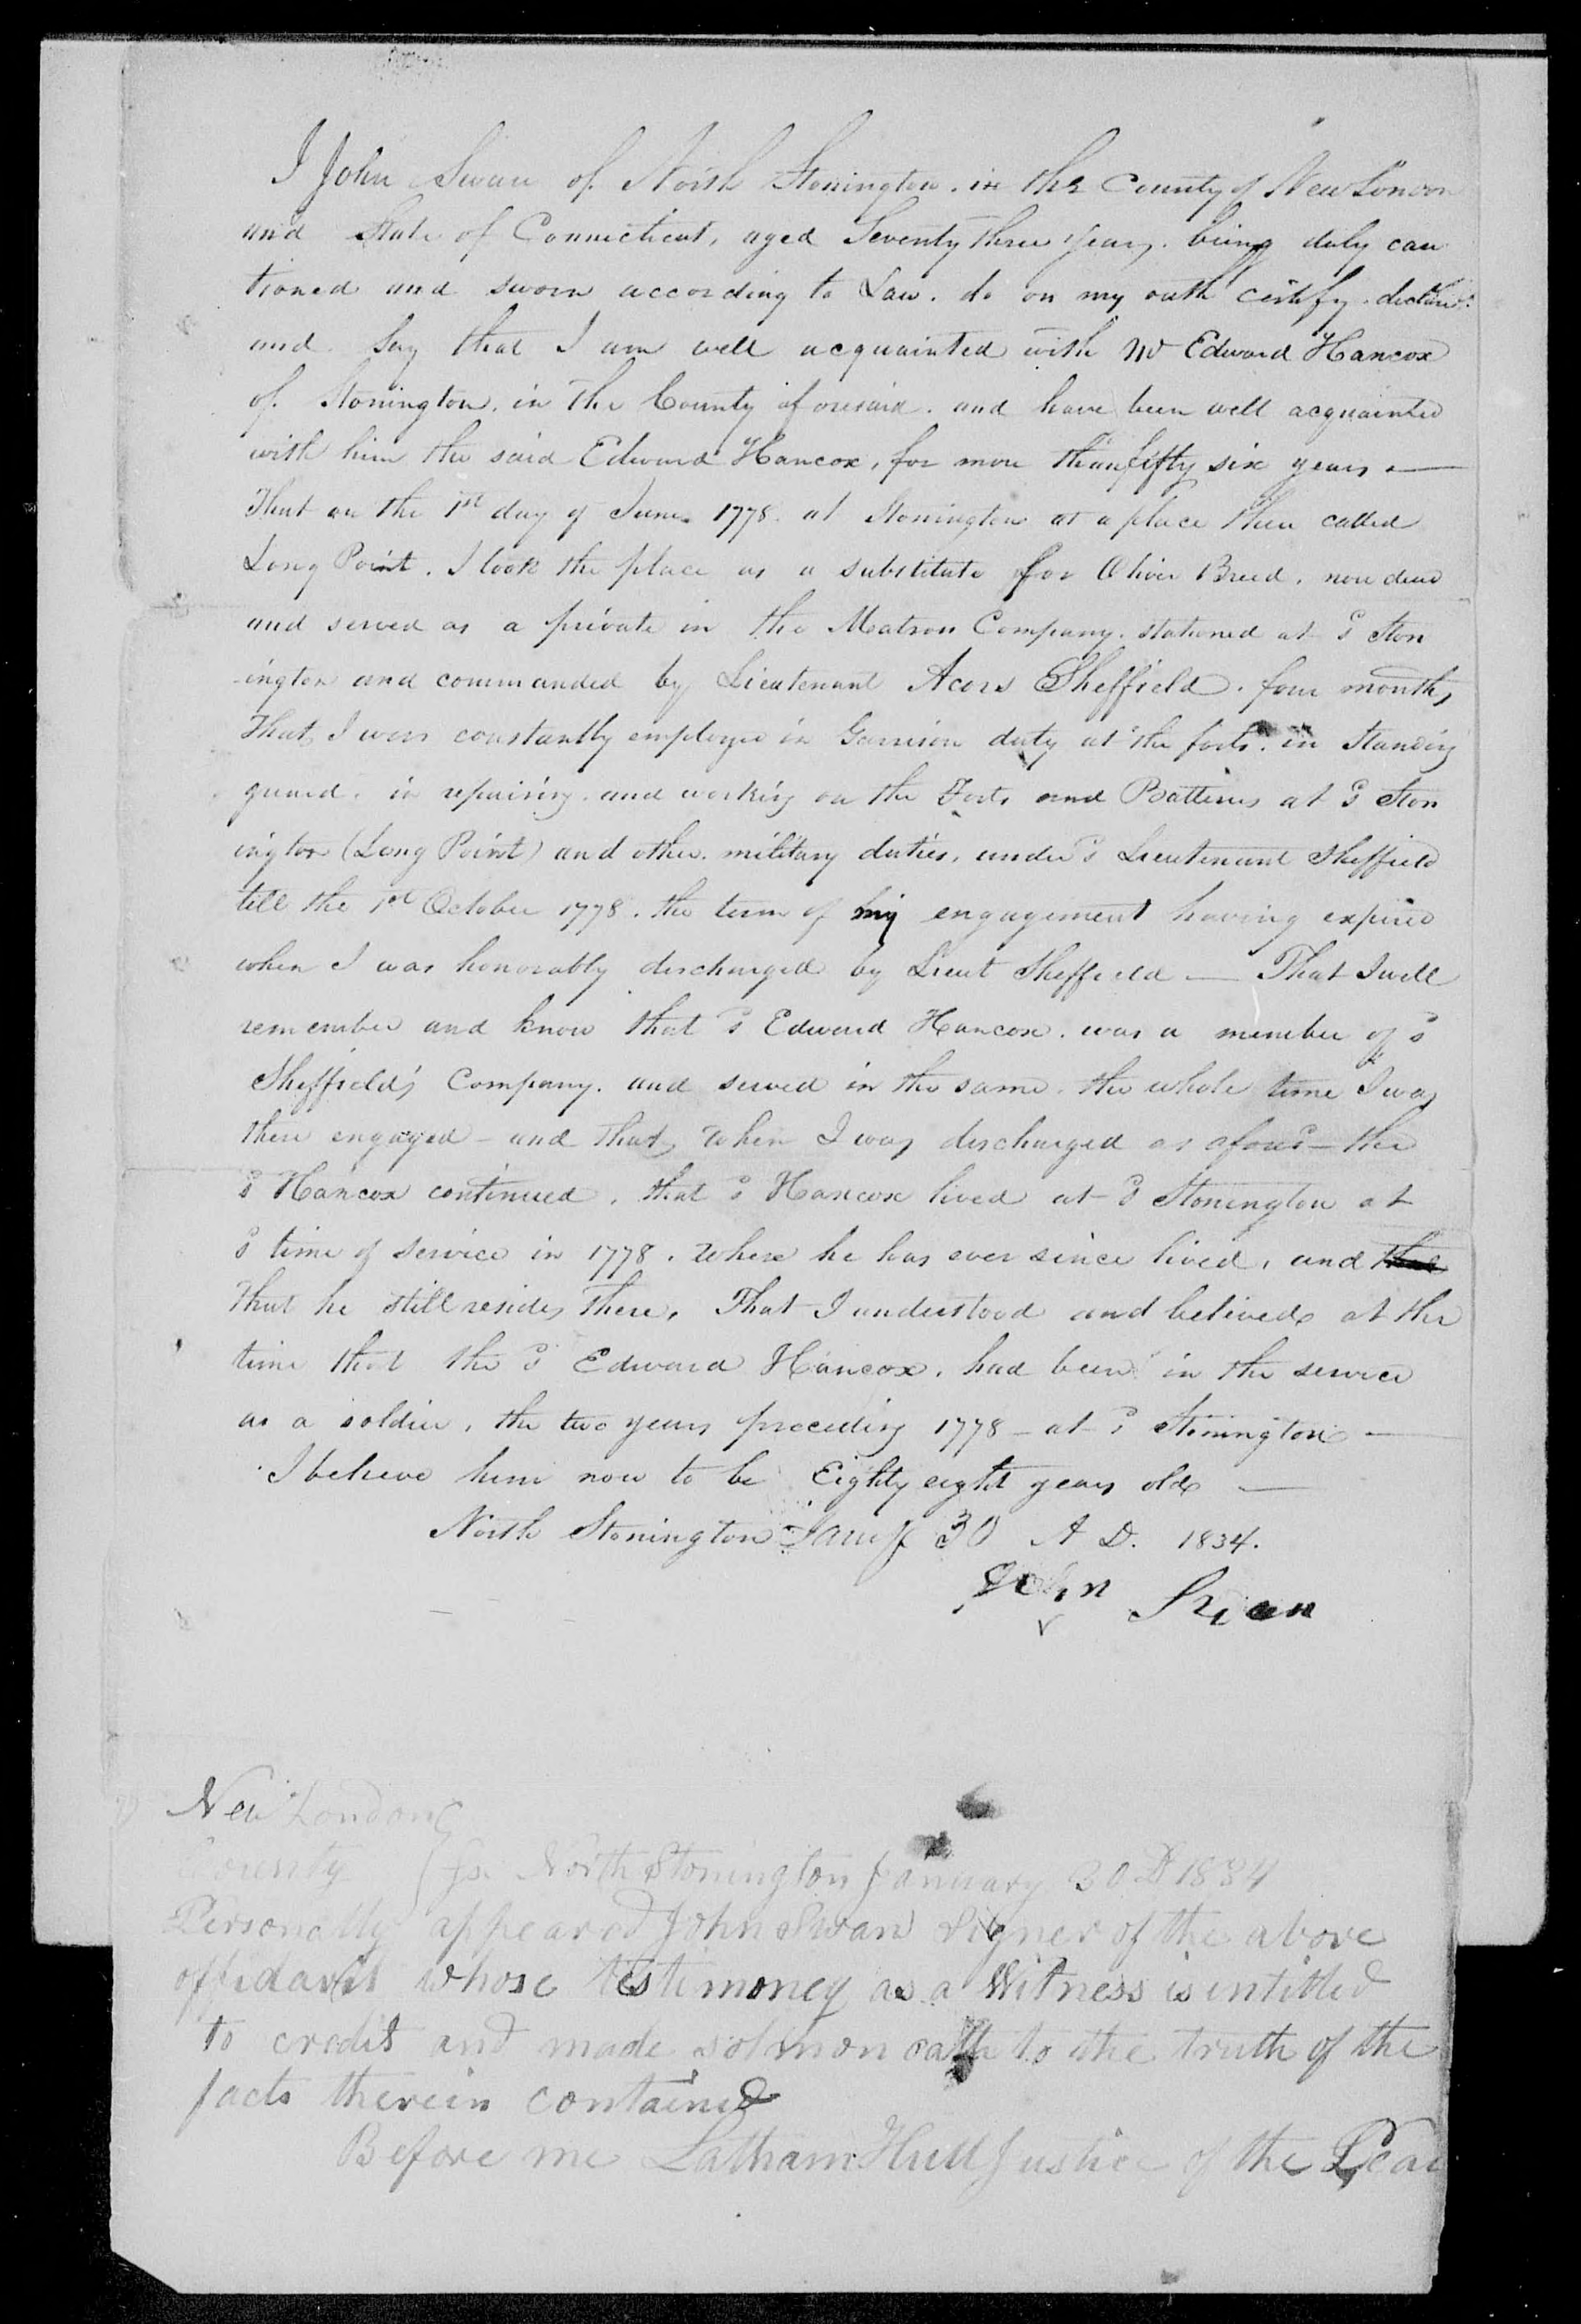I John Swan of North Stonington in the County of New London and State of Connecticut, aged Seventy three years, being duly cautioned and and sworn according to Law do on my oath certify declare and say that I am well acquainted with Mr Edward Hancox of Stonington in the County aforesaid and have been well acquainted with him the said Edward Hancox, for more than fifty six years. That on the 1st day of June 1778 at Stonington at a place then called Long Point. I took the place as a substitute for Oliver Breed, now decd and served as a private in the Matross Company, stationed at sd. Stonington and commanded by Lieutenant Acors Sheffield, four months. That I were constantly employed in Garrison duty at the forts in Standing
guard in repairing and working on the Forts and Battines at Stonington (Long Point), and other military duties, under Lieutenant Sheffield
till the 1st October 1778, the term of my engagement having expired when I was honorably discharged by Lieut Sheffield - That I well remember and know that sd. Edward Hancox was a member of sd. Sheffield's Company, and served in the same, the whole time I was then engaged-- and that when I was discharged as aforesaid the sd. Hanson continued, that sd. Hancox lived at sd. Stonington at sd. time of service in 1778. where he has ever since lived, and that he still resides there. That I understood and believed at the
time that the sd. Edward Hancox, had been in the service as a soldier, the two years preceding 1778 at Stonington. I believe him now to be Eighty eight years old-
North Stonington June 30 AD 1834
John Swan

New London County Js.
North Stonington January 30 1834
Personally appeared John Swan signer of the above affidavit whose testimoney as a witness is intitled to credit and made solemn oath to the truth of the facts therein contained
Before me Latham Hull Justice of the Peace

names: Hancox, Sheffield, John Swan, John Swan, John Swan, Acors Sheffield, Edward Hancox, Hancox, Edward Hancox, Edward Hancox, Oliver Breed, Edward Hancox, Latham Hull, Edward Hancox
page: 21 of 26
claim: survivor's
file: S. 16843, Edward Hancox, Conn.